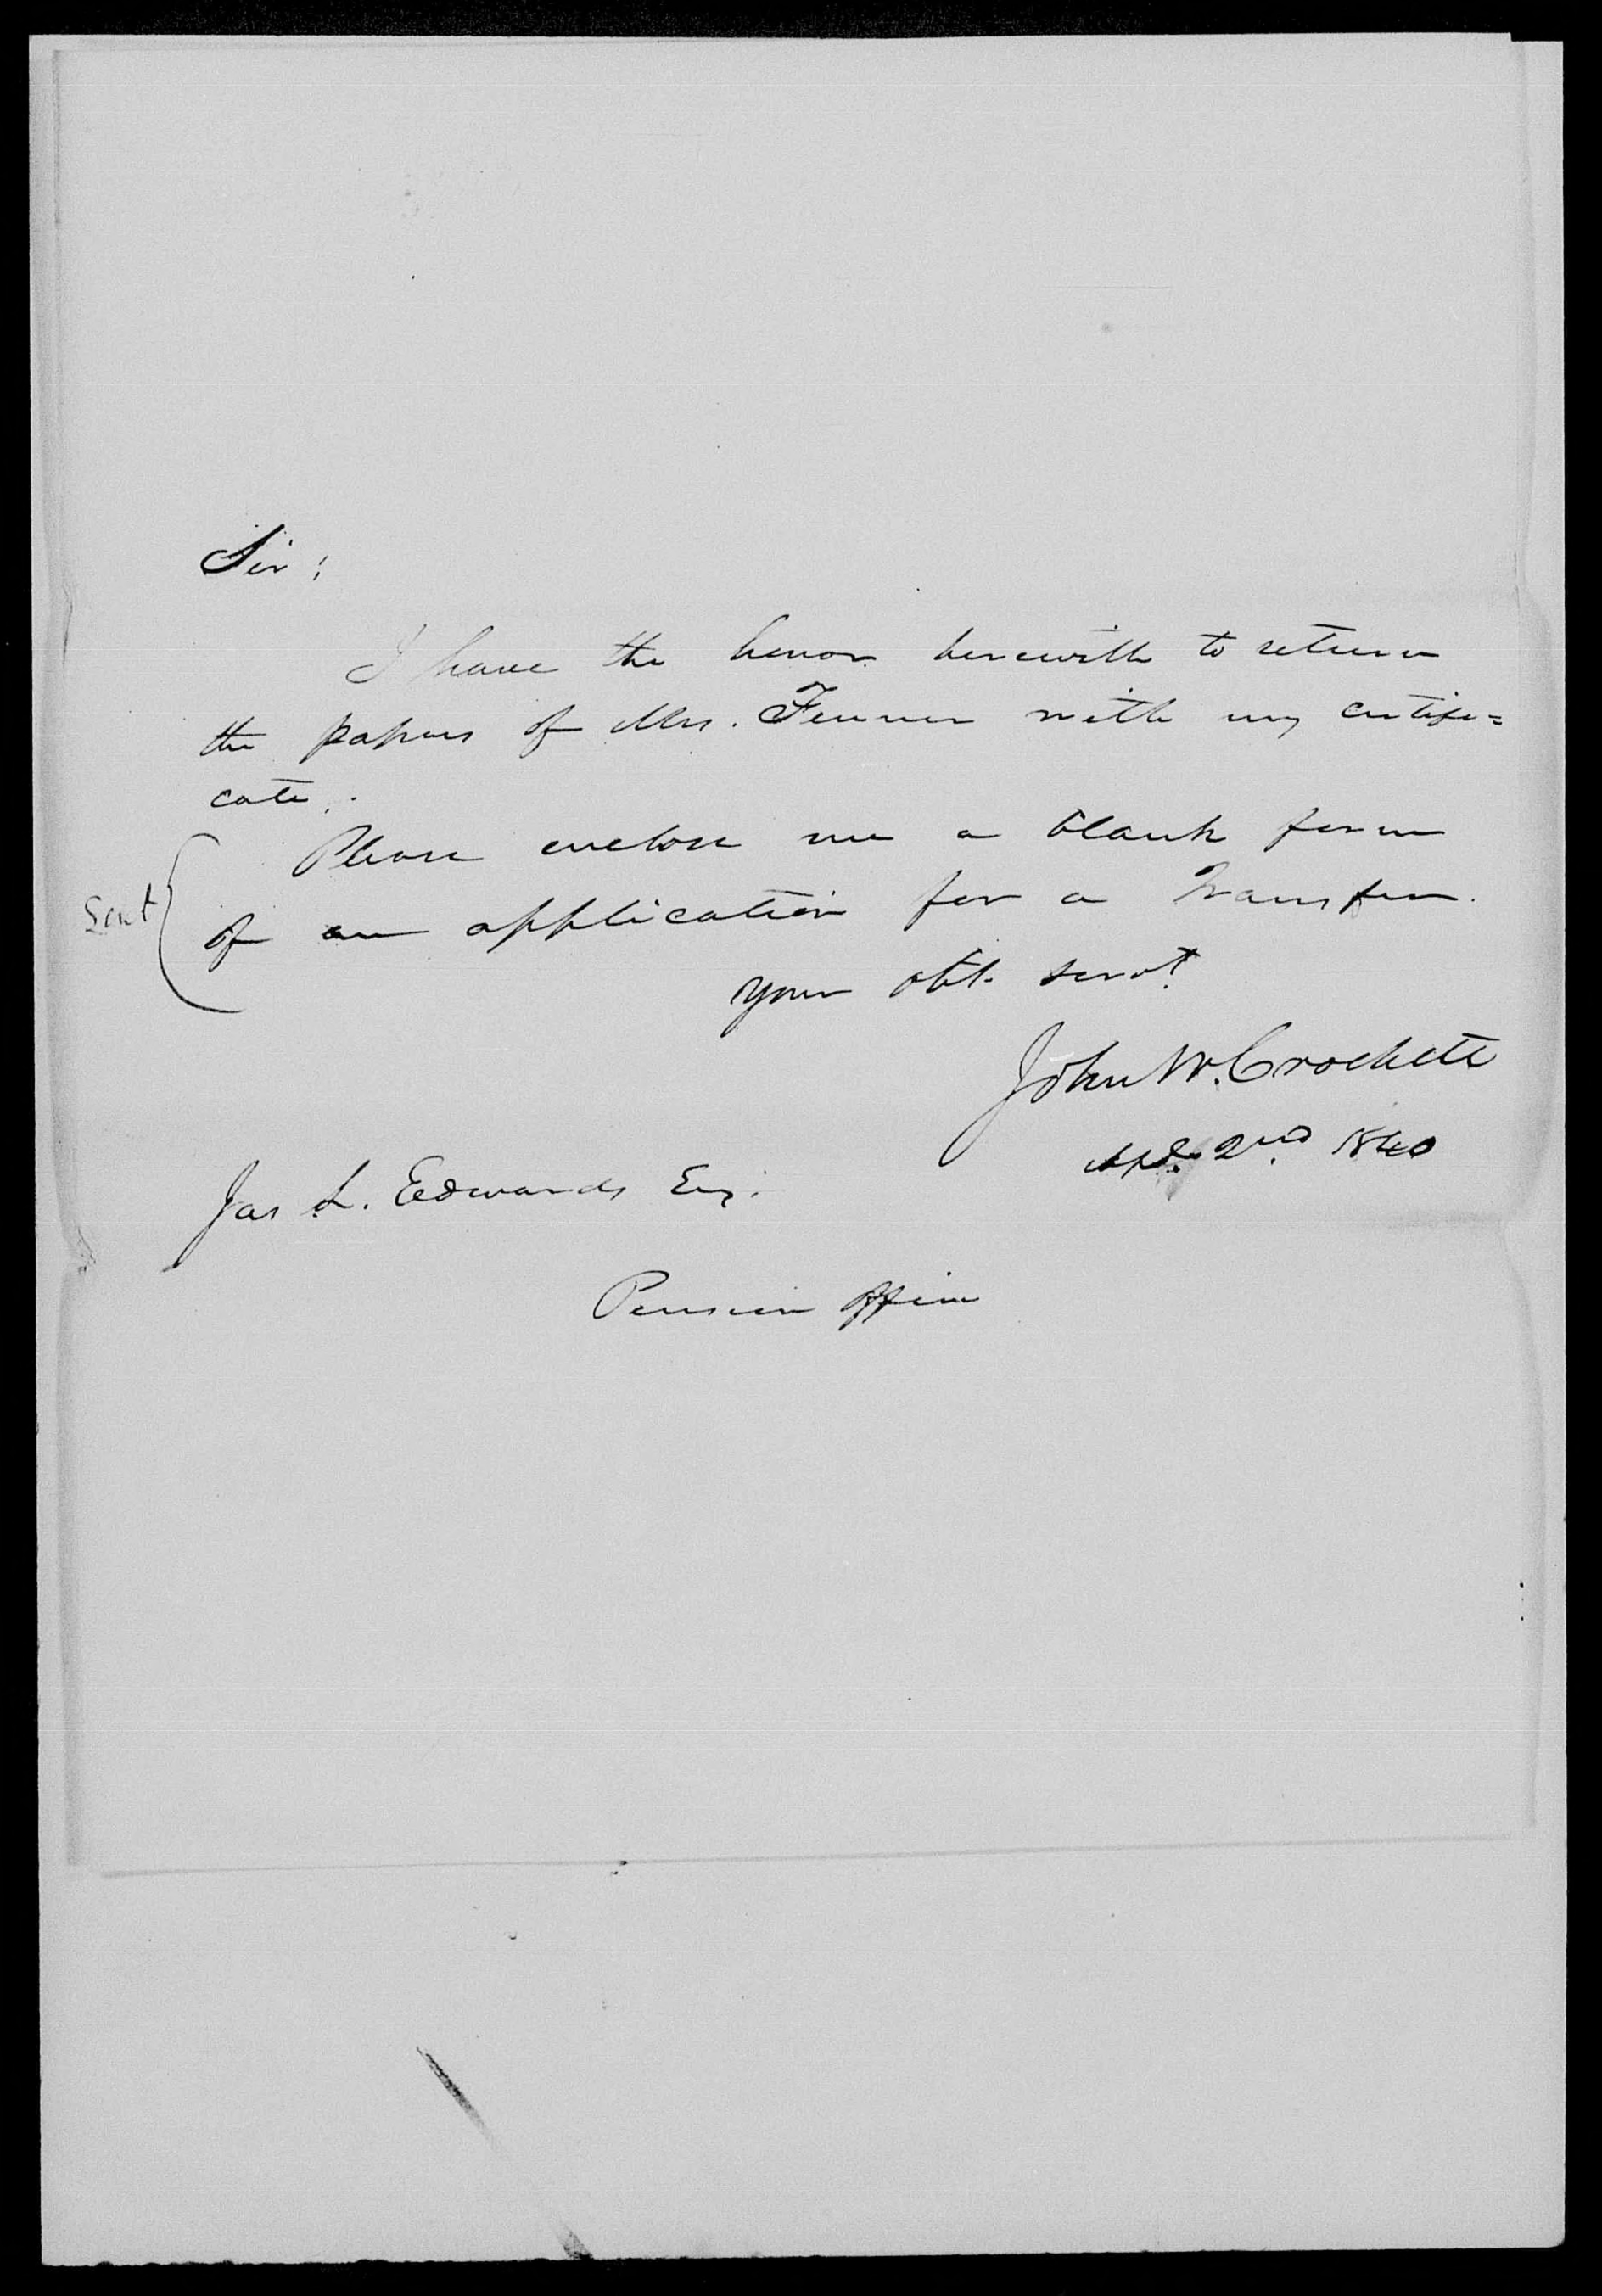Sir:

I have the honor herewith to return the papers of Mrs. Fenner with my certificte.

Sent(

Please enclose me a blank form of an application for a transfer.

Your obt. servt.

John W. Crockett
April 2nd 1840

Jas. L. Edwards Esq
Pension Office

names: Fenner, John W Crockett, Jas L Edwards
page: 22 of 39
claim: widow's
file: W. 789, Richard Fenner, N.C.